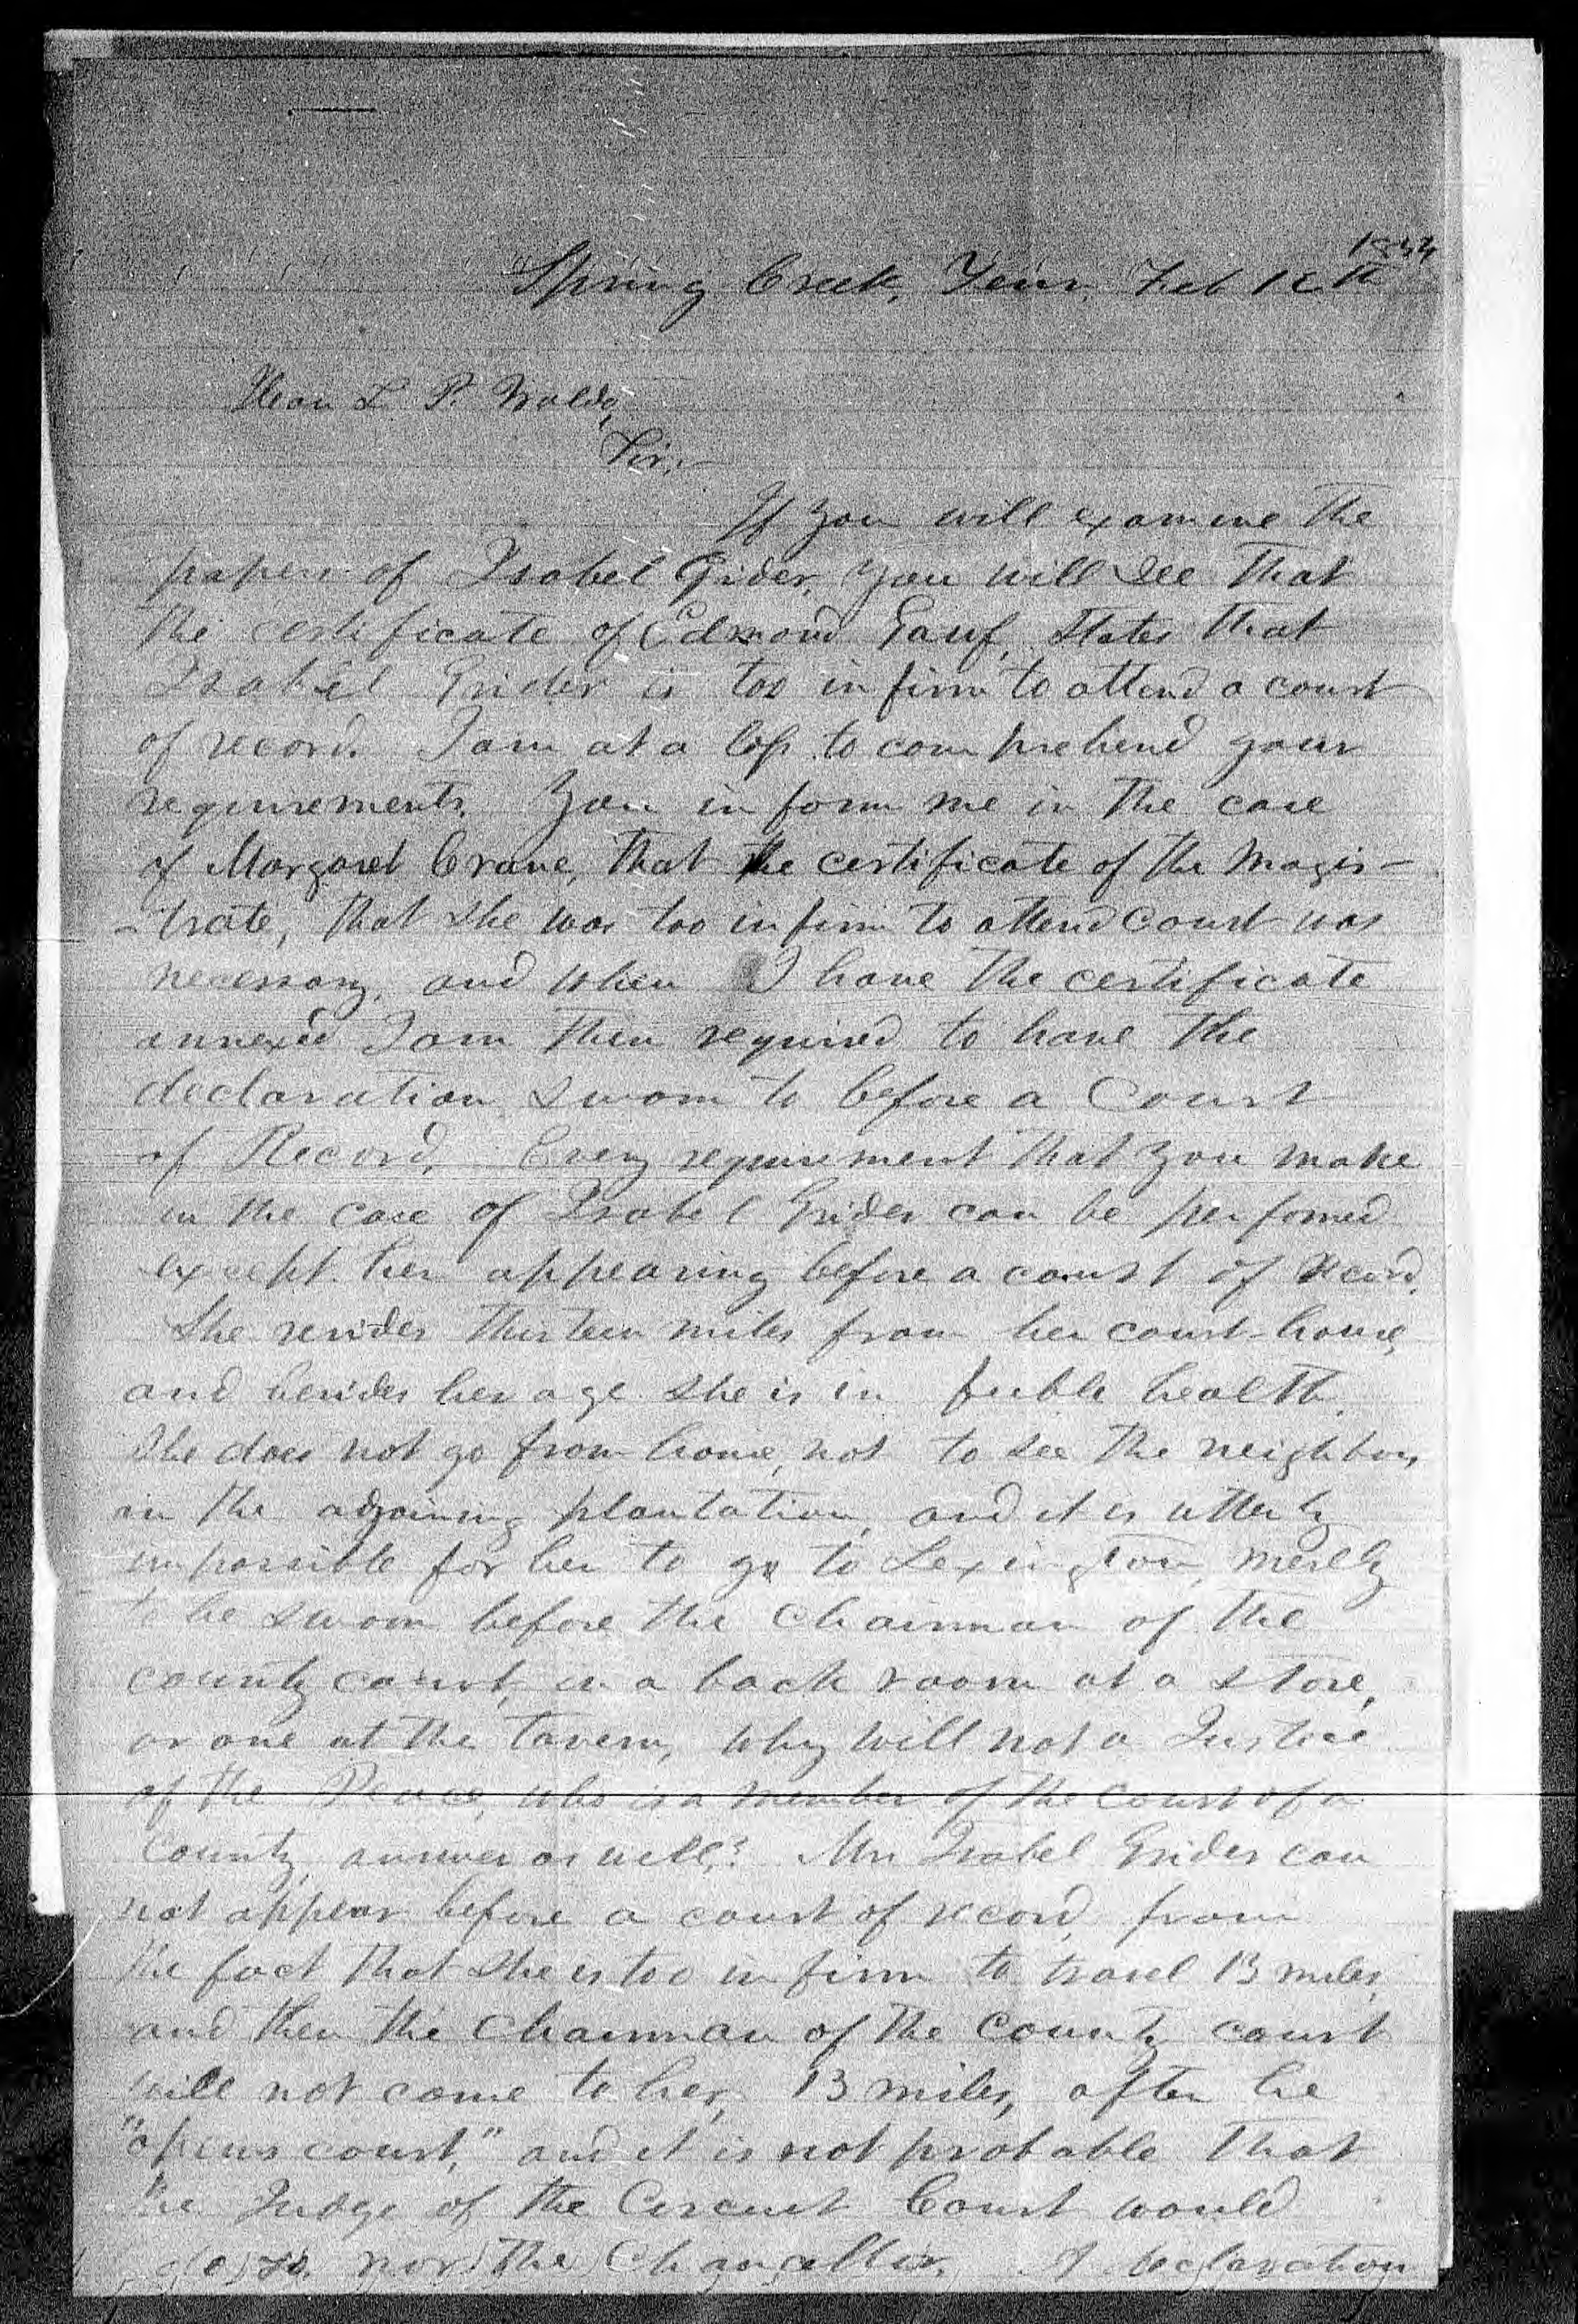Spring Creek Tenn Feb 16th 1854

Hon L.P. Waldo
Sir:

     If you will examine the papers of Isabel Grider, you will see that the certificate of Edmond Gawf, States that Isabel Grider is too infirm to attend a court of record. I am at a loss to comprehend your requirements. You inform me int he case of Margaret Crane, that the certificate  of the Magistrate, that she was too infirm to attend court was necessary, and when I have the certificate annexed I am then required to have the declaration sworn to before a court of record. Every requirement  that you make in the case of Isabel Grider  can be performed except her appearing before a court of record. She resides thirteen miles from her court house  and besides her age she is in feeble health. She does not go from house, not to see the neighbors on the adjoining plantation, and it is utterly impossible for her to go to Lexington merely to be sworn before the chairman of the county court in a back room of a store, or one at the tavern, why will not a Justice of the Peace who is a member of the court of a county answer as well?  Mrs Isabel Grider can not appear before a court of record, from the fact that she is too infirm to travel 13 miles and then the chairman of the county court will not come to her, 13 miles, after he "opens court", and it is not probable that the Judge of the circuit court would go [illegible] nor the chancellor. A declaration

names: Isabel Grider, Margaret Crane, Isabel Grider, Isabel Grider, L P Waldo, Edward Gawf, Isabel Grider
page: 44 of 91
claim: widow's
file: W 358, John Grider, N.C.